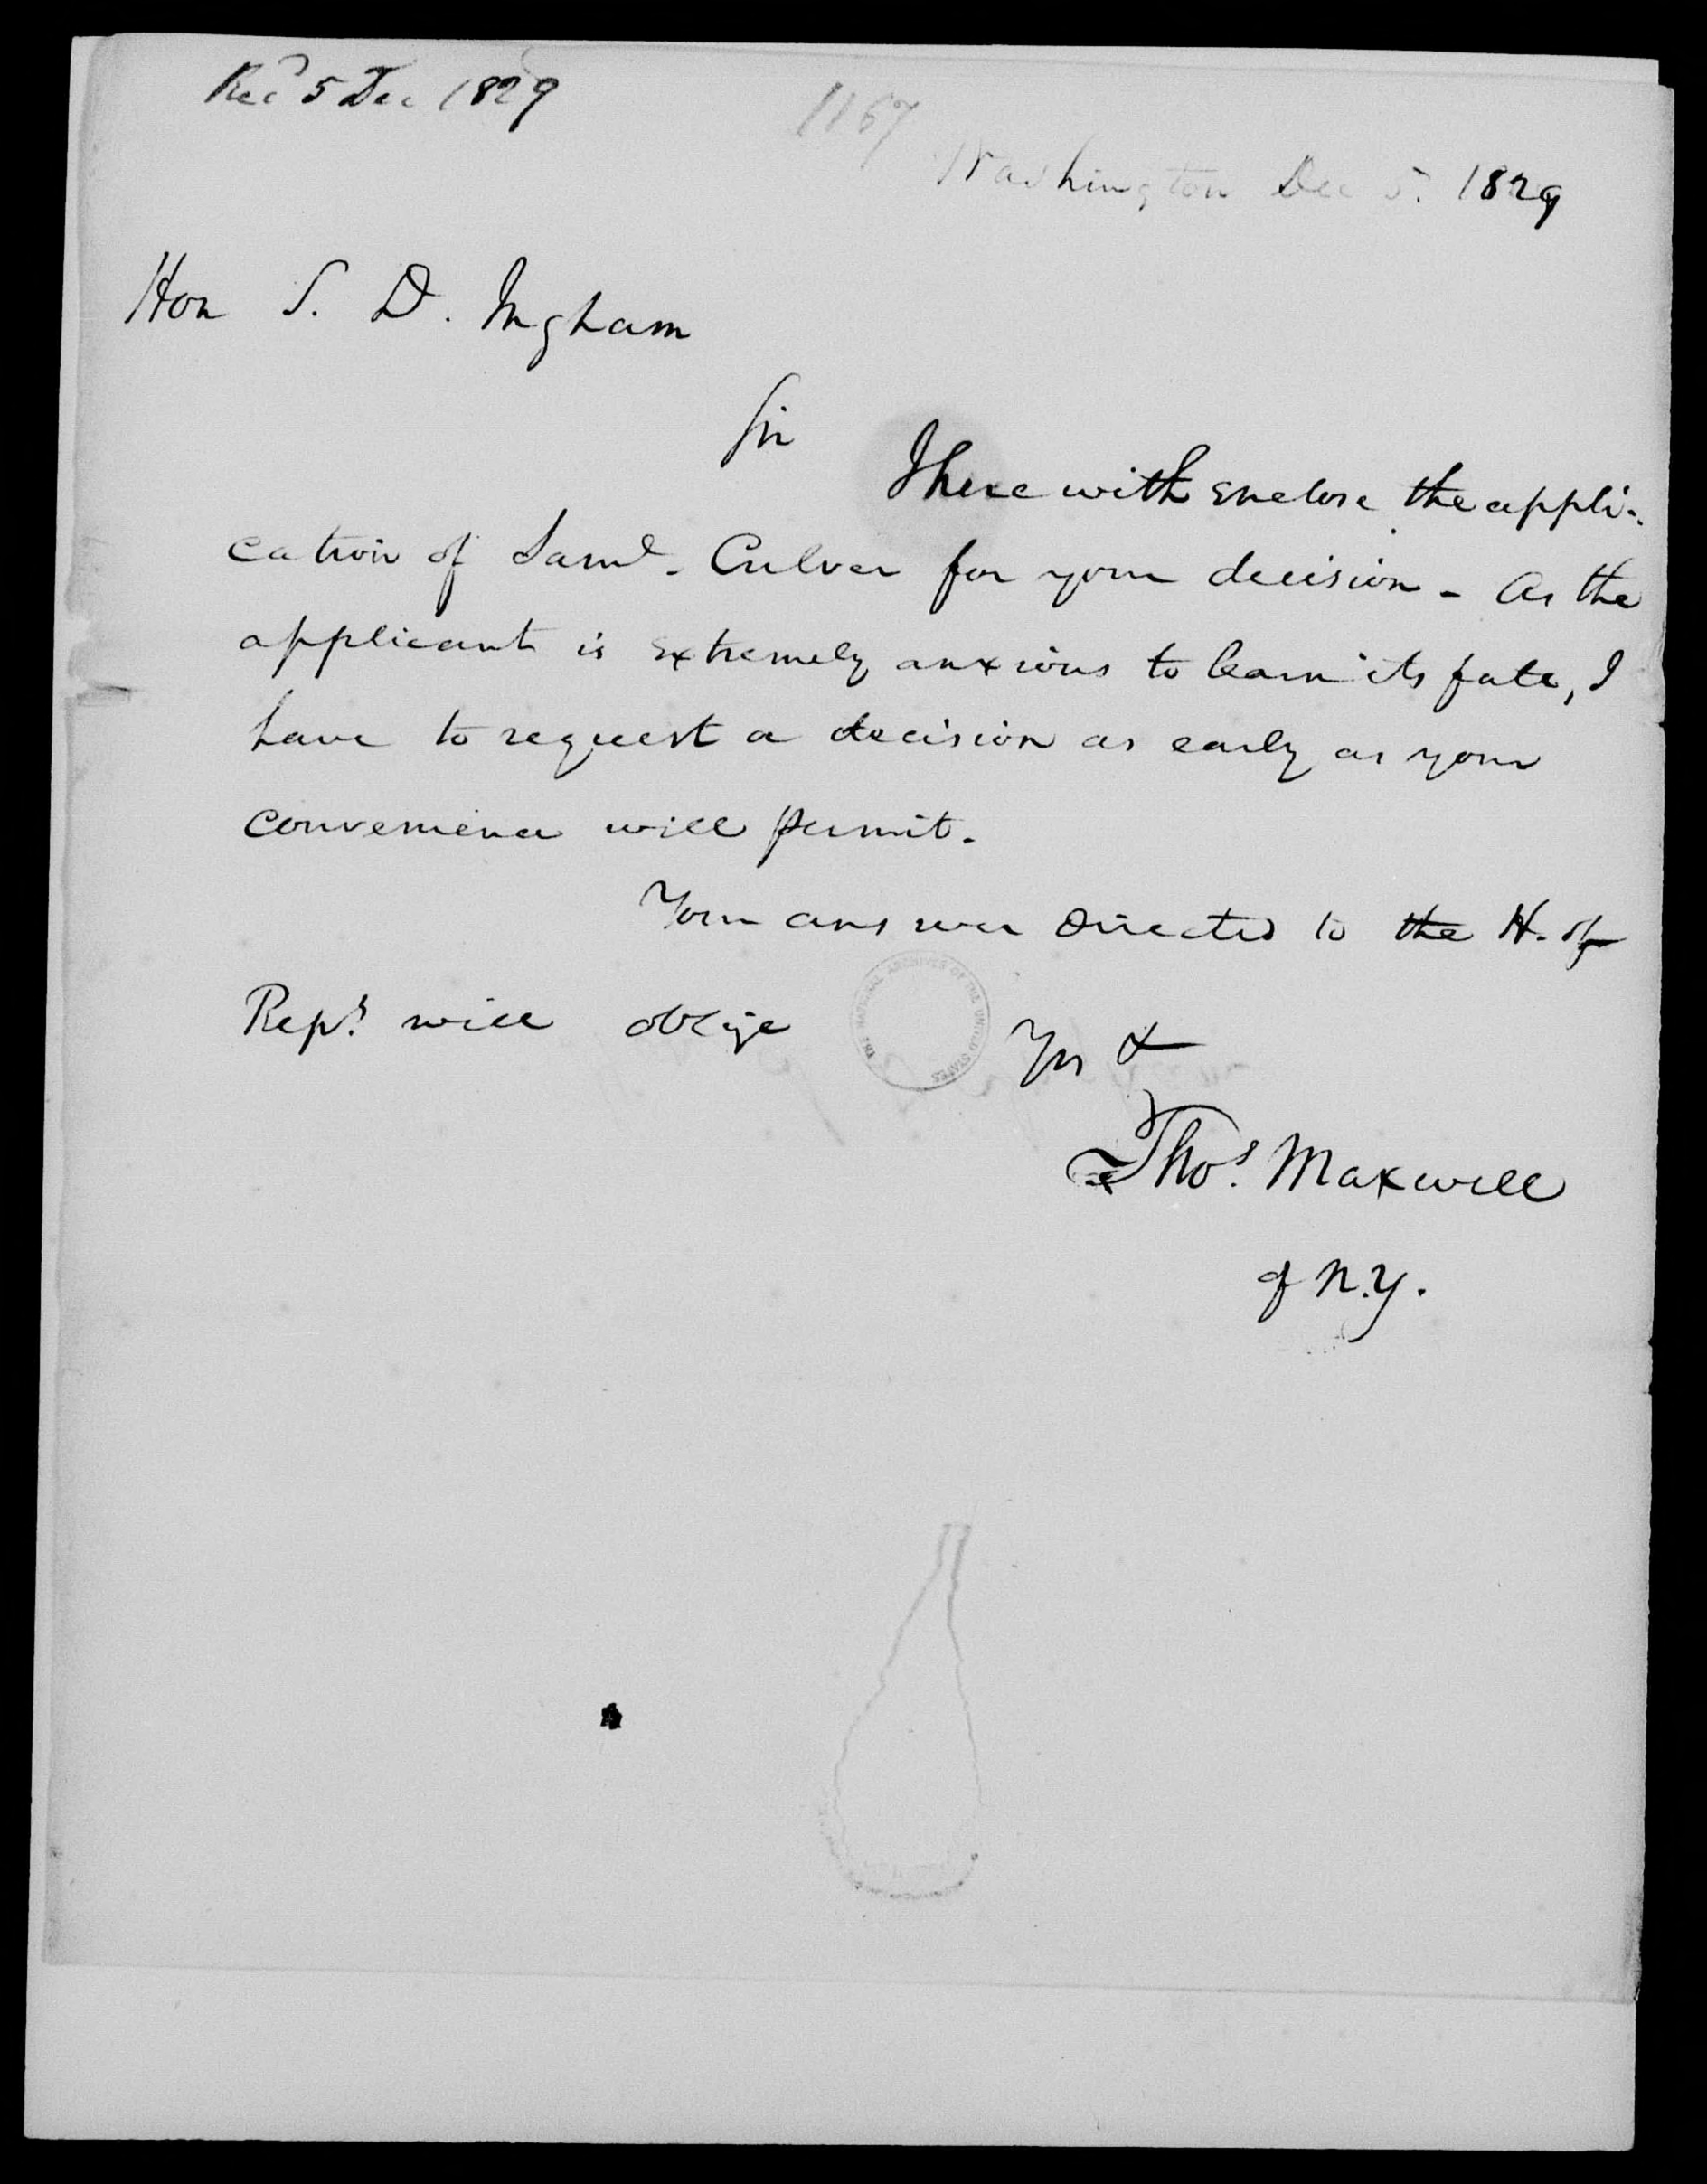Hon S.D. Ingham


Rec 5 Dec 1829		1167
					Washington DC

Hon S. D. Ingham

	Sir
		Herewith enclosed the appli-
cation of Samuel Culver for your decision – As the
applicant is extremely anxious to learn its fate, I
have to request a decision as early as your 
convenience will permit.
	Your answer directed to the House of
Representatives will oblige
				Yours
[stamp - 			Thos. Maxwell 
The National			of New York
Archives of the United States]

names: Thos Maxwell, S D Ingham, Saml Culver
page: 24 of 40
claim: rejected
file: R. 1,570, Samuel Culver, New Jersey